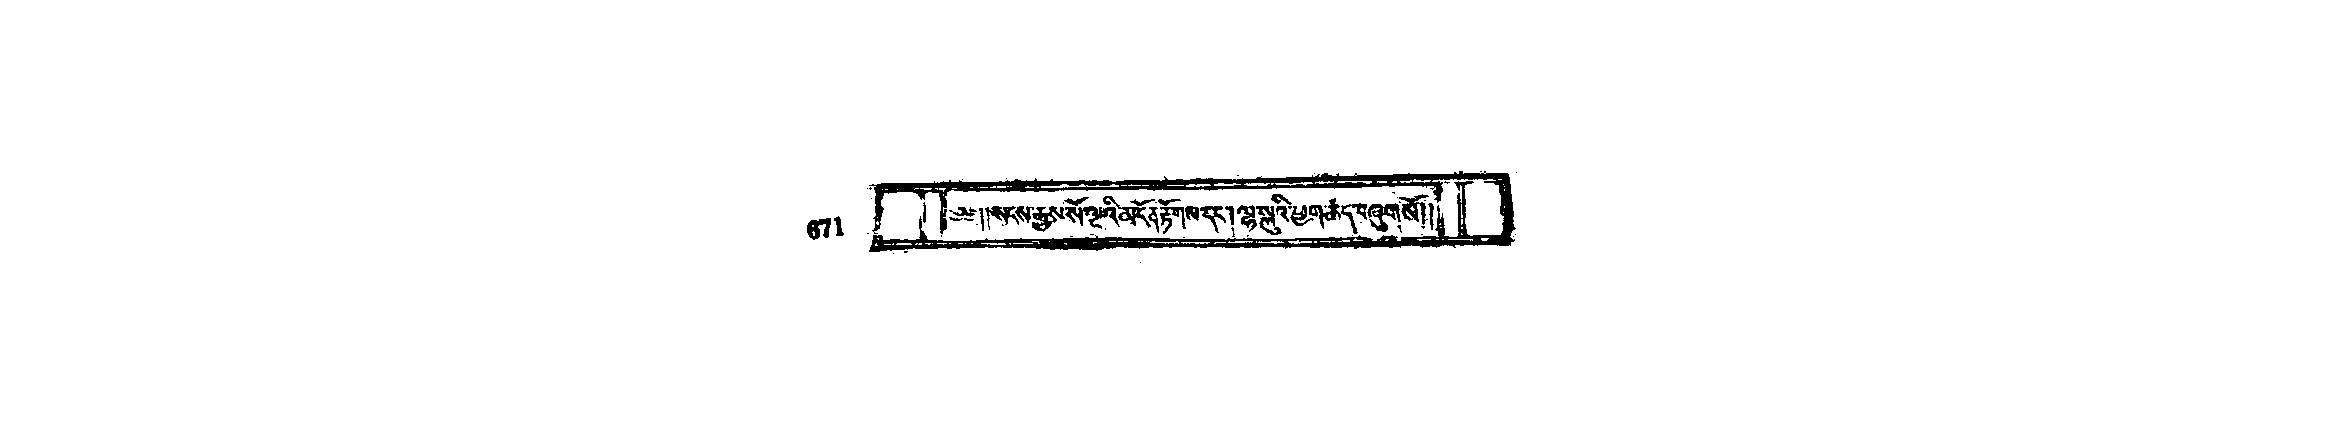༄༅། །སངས་རྒྱས་སོ་ལྔའི་མངོན་རྟོགས་དང་། ལྷ་སྐུའི་ཕྱག་ཚད་བཞུགས་སོ།།